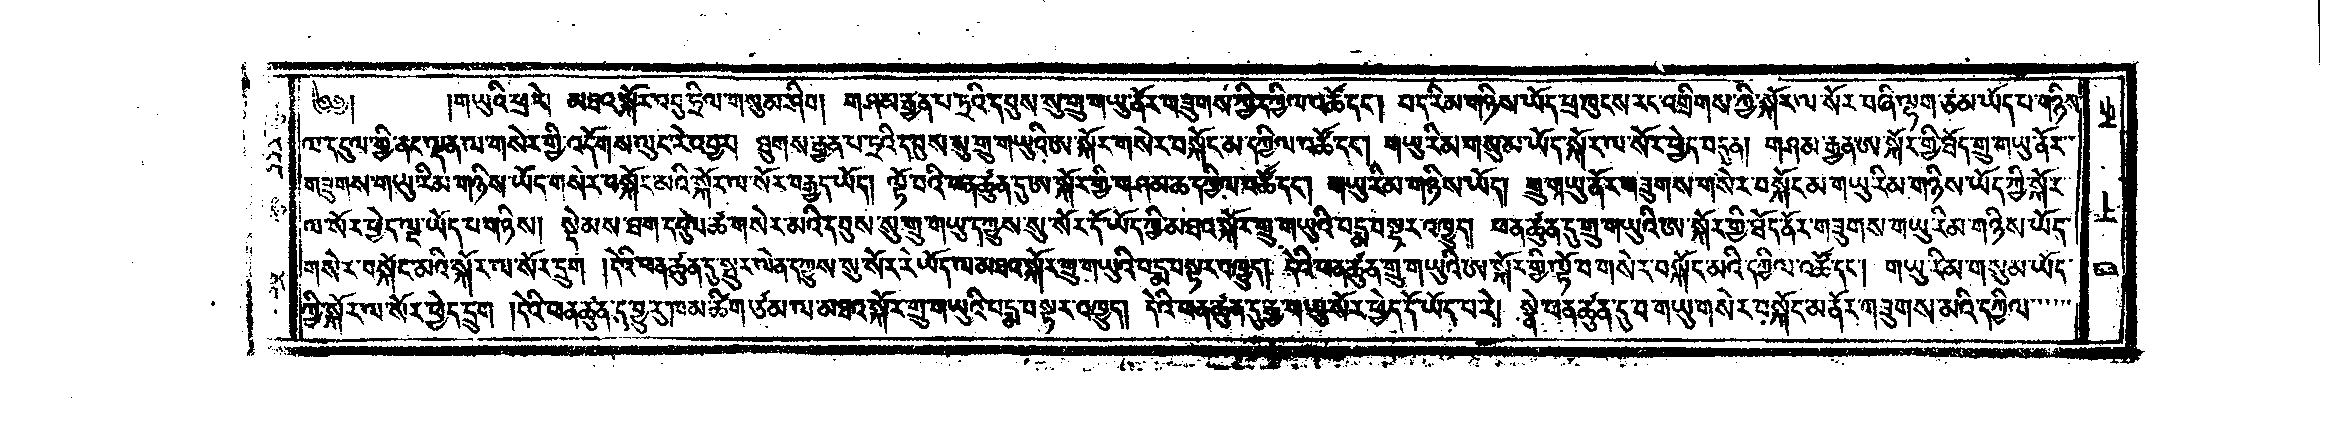༄༅། །གཡུའི་ཕྲ་རེ། མཐའ་སྐོར་འབུ་ཧྲིལ་གསུམ་ཤིབ། གཤམ་རྒྱན་པ་ཏྲའི་དབུས་སུ་གྲུ་གཡུ་ནོར་གཟུགས་ཀྱི་དཀྱིལ་འཚོ་དང་། པད་རིམ་གཉིས་ཡོད་ཕྲ་ཁུངས་རང་འགྲིགས་ཀྱི་སྐོར་ལ་སོར་བཞི་ལྷག་ཙམ་ཡོད་པ་གཉིས་
ལ་དངུལ་གྱི་ནང་ལྡན་ལ་གསེར་གྱི་འདོགས་ལུང་རེ་འབྱར། ཐུགས་རྒྱན་པ་ཏྲའི་དབུས་སུ་གྲུ་གཡུའི་ཨ་སྐོར་གསེར་བསྐོང་མ་དཀྱིལ་འཚོ་དང་། གཡུ་རིམ་གསུམ་ཡོད་སྐོར་ལ་སོར་ཕྱེད་བདུན། གཤམ་རྒྱན་ཨ་སྐོར་གྱི་ཐོད་གྲུ་གཡུ་ནོར་
གཟུགས་གཡུ་རིམ་གཉིས་ཡོད་གསེར་བསྐོང་མའི་སྐོར་ལ་སོར་བརྒྱད་ཡོད། ལྟོ་བའི་ཕན་ཚུན་དུ་ཨ་སྐོར་གྱི་གཤམ་ཆ་དཀྱིལ་འཚོ་དང་། གཡུ་རིམ་གཉིས་ཡོད། གྲུ་གཡུ་ནོར་གཟུགས་གསེར་བསྐོང་མ་གཡུ་རིམ་གཉིས་ཡོད་ཀྱི་སྐོར་
ལ་སོར་ཕྱེད་ལྔ་ཡོད་པ་གཉིས། སྡེམས་ཐག་དངུལ་ཚ་གསེར་མའི་དབུས་སུ་གྲུ་གཡུ་དཀྱུས་སུ་སོར་དོ་ཡོད་ཀྱི་མཐའ་སྐོར་གྲུ་གཡུའི་པདམ་བསྟར་འཁྱུད། ཕན་ཚུན་དུ་གྲུ་གཡུའི་ཨ་སྐོར་གྱི་ཐོད་ནོར་གཟུགས་གཡུ་རིམ་གཉིས་ཡོད་
གསེར་བསྐོང་མའི་སྐོར་ལ་སོར་དྲུག །དེའི་ཕན་ཚུན་དུ་སྤུར་ལེན་དཀྱུས་སུ་སོར་རེ་ཡོད་ལ་མཐའ་སྐོར་གྲུ་གཡུའི་པདམ་བསྟར་འཁྱུད། དེའི་ཕན་ཚུན་གྲུ་གཡུའི་ཨ་སྐོར་གྱི་ལྟོ་བ་གསེར་བསྐོང?་མའི་དཀྱིལ་འཚོ་དང་། གཡུ་རིམ་གསུམ་ཡོད་
ཀྱི་སྐོར་ལ་སོར་ཕྱེད་དྲུག །དེའི་ཕན་ཚུན་དུ་བྱུ་ངུ?་ཁམ་ཚིག་ཙམ་ལ་མཐའ་སྐོར་གྲུ་གཡུའི་པདམ་བསྟར་འཁྱུད། དེའི་ཕན་ཚུན་དུ་རྒྱ་གཡུ་སོར་ཕྱེད་དོ་ཡོད་པ་རེ། སྣེ་ཕན་ཚུན་དུ་བ་གཡུ་གསེར་བསྐོང་མ་ནོར་གཟུགས་མའི་དཀྱིལ་